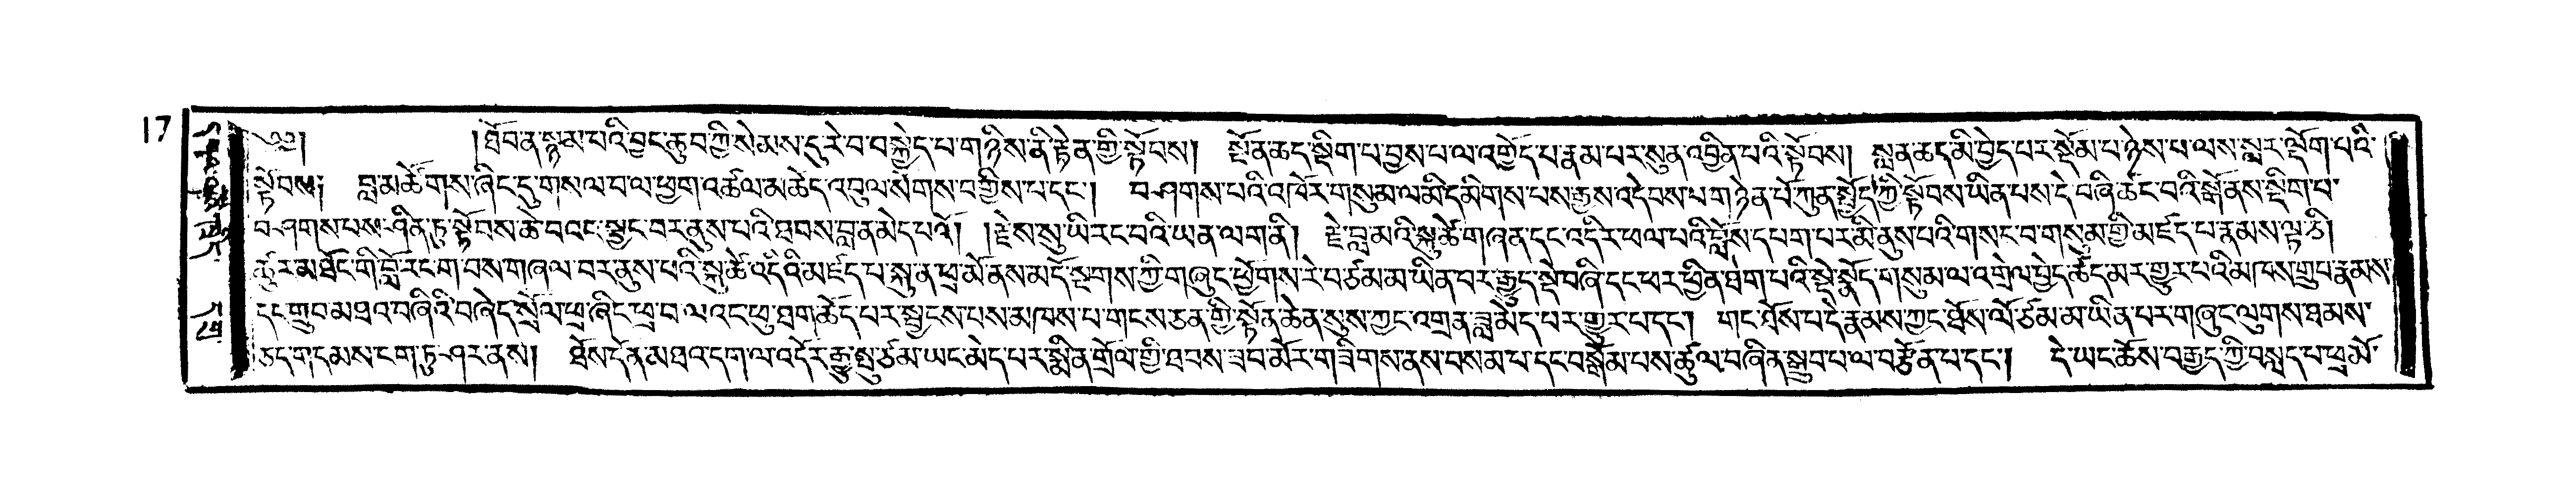༄༅། །ཐོབ་ན་སྙམ་པའི་བྱང་ཆུབ་ཀྱི་སེམས་དུ་རེ་བ་བསྐྱེད་པ་གཉིས་ནི་རྟེན་གྱི་སྟོབས། སྔོན་ཆད་སྡིག་པ་བྱས་པ་ལ་འགྱོད་པ་རྣམ་པར་སུན་འབྱིན་པའི་སྟོབས། སླན་ཆད་མི་བྱེད་པར་སྡོམ་པ་ཉེས་པ་ལས་སླར་ལྡོག་པའི་
སྟོབས། བླ་མ་ཚོགས་ཞིང་དུ་གསལ་བ་ལ་ཕྱག་འཚལ་མཆོད་འབུལ་སོགས་བགྱིས་པ་དང་། བཤགས་པའི་འཁོར་གསུམ་ལ་མི་དམིགས་པས་རྒྱས་འདེབས་པ་གཉེན་པོ་ཀུན་སྤྱོད་ཀྱི་སྟོབས་ཡིན་པས་དེ་བཞི་ཚང་བའི་སྒོ་ནས་སྡིག་པ་
བཤགས་པས་ཤིན་ཏུ་སྟོབས་ཆེ་བའང་སྦྱང་བར་ནུས་པའི་ཐབས་བླ་ན་མེད་པའོ། །རྗེས་སུ་ཡི་རང་བའི་ཡན་ལག་ནི། རྗེ་བླ་མའི་སྐུ་ཚེ་གཞན་དང་འདིར་ཕལ་པའི་བློས་དཔག་པར་མི་ནུས་པའི་གསང་བ་གསུམ་གྱི་མཛད་པ་རྣམས་ལྟ་ཅི།
ཚུར་མཐོང་གི་བློ་རང་གི་བས་གཞལ་བར་ནུས་པའི་སྐུ་ཚེ་འདིའི་མཛད་པ་སྐུ་ན་ཕྲ་མོ་ནས་མདོ་སྔགས་ཀྱི་གཞུང་ཕྱོགས་རེ་བ་ཙམ་མ་ཡིན་པར་རྒྱུད་སྡེ་བཞི་དང་ཕར་ཕྱིན་ཐེག་པའི་སྡེ་སྣོད་གསུམ་ལ་འགྲེལ་བྱེད་ཚད་མར་གྱུར་པའི་མཁས་གྲུབ་རྣམས་
དང་གྲུབ་མཐའ་བཞིའི་བཞེད་སྲོལ་ཕྲ་ཞིང་ཕྲ་བ་ལའང་ཕུ་ཐག་ཆོད་པར་སྦྱངས་པས་མཁས་པ་གངས་ཅན་གྱི་སྟོན་ཆེན་སུས་ཀྱང་འགྲན་ཟླ་མེད་པར་གྱུར་པ་དང་། གང་ཐོས་པ་དེ་རྣམས་ཀྱང་ཐོས་ལོ་ཙམ་མ་ཡིན་པར་གཞུང་ལུགས་ཐམས་
ཅད་གདམས་ངག་ཏུ་ཤར་ནས། ཐོས་དོན་མཐའ་དག་ལ་འདོར་རྒྱུ་སྤུ་ཙམ་ཡང་མེད་པར་སྨིན་གྲོལ་གྱི་ཐབས་ཟབ་མོར་གཟིགས་ནས་བསམ་པ་དང་བསྒོམ་པས་ཚུལ་བཞིན་སྒྲུབ་པ་ལ་བརྩོན་པ་དང་། དེ་ཡང་ཆོས་བརྒྱད་ཀྱི་བསླད་པ་ཕྲ་མོ་